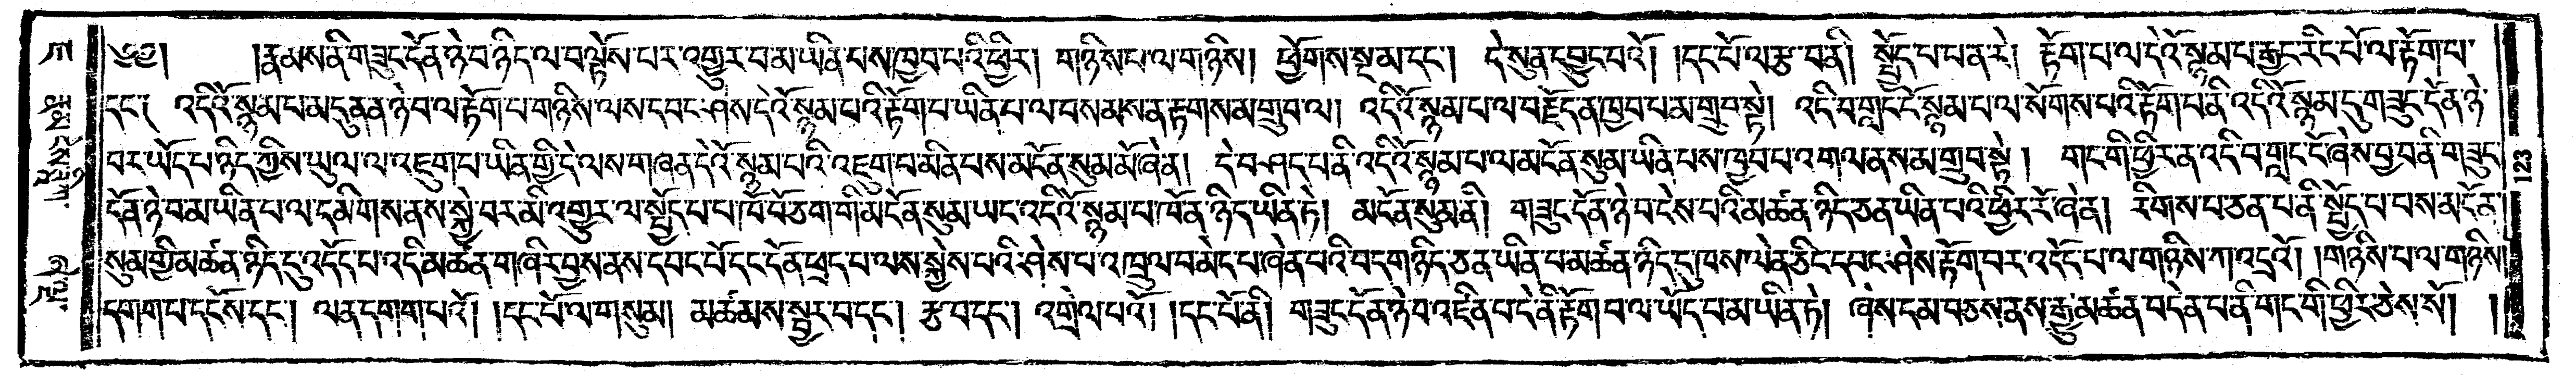༄༅། །རྣམས་ནི་གཟུང་དོན་ཉེ་བ་ཉིད་ལ་བལྟོས་པར་འགྱུར་བ་མ་ཡིན་པས་ཁྱབ་པའི་ཕྱིར། གཉིས་པ་ལ་གཉིས། ཕྱོགས་སྔ་མ་དང་། དེ་སུན་དབྱུང་བའོ། །དང་པོ་ལ་རྩ་བ་ནི། སྤྱོད་པ་པ་ན་རེ། རྟོག་པ་ལ་དེའོ་སྙམ་པ་རྒྱང་རིང་པོ་ལ་རྟོག་པ་
དང་། འདིའོ་སྙམ་པ་མདུན་ན་ཉེ་བ་ལ་རྟོག་པ་གཉིས་ལས་དབང་ཤེས་དེའོ་སྙམ་པའི་རྟོག་པ་ཡིན་པ་ལ་བསམས་ན་རྟགས་མ་གྲུབ་ལ། འདིའོ་སྙམ་པ་ལ་བརྗོད་ན་ཁྱབ་པ་མ་གྲུབ་སྟེ། འདི་བ་གླང་ངོ་སྙམ་པ་ལ་སོགས་པའི་རྟོག་པ་ནི་འདིའོ་སྙམ་དུ་གཟུང་དོན་ཉེ་
བར་ཡོད་པ་ཉིད་ཀྱིས་ཡུལ་ལ་འཇུག་པ་ཡིན་གྱི་དེ་ལས་གཞན་དེའོ་སྙམ་པའི་འཇུག་པ་མིན་པས་མངོན་སུམ་མོ་ཞེ་ན། དེ་བཤད་པ་ནི་འདིའོ་སྙམ་པ་ལ་མངོན་སུམ་ཡིན་པས་ཁྱབ་པ་འགལ་ནས་མ་གྲུབ་སྟེ། གང་གི་ཕྱིར་ན་འདི་བ་གླང་ངོ་ཞེས་བྱ་བ་ནི་གཟུང་
དོན་ཉེ་བ་མ་ཡིན་པ་ལ་དམིགས་ནས་སྐྱེ་བར་མི་འགྱུར་ལ་སྤྱོད་པ་པ་ཁོ་བོ་ཅག་གི་མངོན་སུམ་ཡང་འདིའོ་སྙམ་པ་ཁོ་ན་ཉིད་ཡིན་ཏེ། མངོན་སུམ་ནི། གཟུང་དོན་ཉེ་བ་ངེས་པའི་མཚན་ཉིད་ཅན་ཡིན་པའི་ཕྱིར་རོ་ཞེ་ན། རིགས་པ་ཅན་པ་ནི་སྤྱོད་པ་བས་མངོན་
སུམ་གྱི་མཚན་ཉིད་དུ་འདོད་པ་འདི་མཚན་གཞིར་བྱས་ནས་དབང་པོ་དང་དོན་ཕྲད་པ་ལས་སྐྱེས་པའི་ཤེས་པ་འཁྲུལ་པ་མེད་པ་ཞེན་པའི་བདག་ཉིད་ཅན་ཡིན་པ་མཚན་ཉིད་དུ་ཁས་ལེན་ཅིང་དབང་ཤེས་རྟོག་པར་འདོད་པ་ལ་གཉིས་ཀ་འདྲའོ། །གཉིས་པ་ལ་གཉིས།
དགག་པ་དངོས་དང་། ལན་དགག་པའོ། །དང་པོ་ལ་གསུམ། མཚམས་སྦྱར་བ་དང་། རྩ་བ་དང་། འགྲེལ་པའོ། །དང་པོ་ནི། གཟུང་དོན་ཉེ་བ་འཛིན་པ་དེ་ནི་རྟོག་པ་ལ་ཡོད་པ་མ་ཡིན་ཏེ། ཞེས་དམ་བཅས་ནས་རྒྱུ་མཚན་བདེན་པ་ནི་གང་གི་ཕྱིར་ཅེས་སོ། །